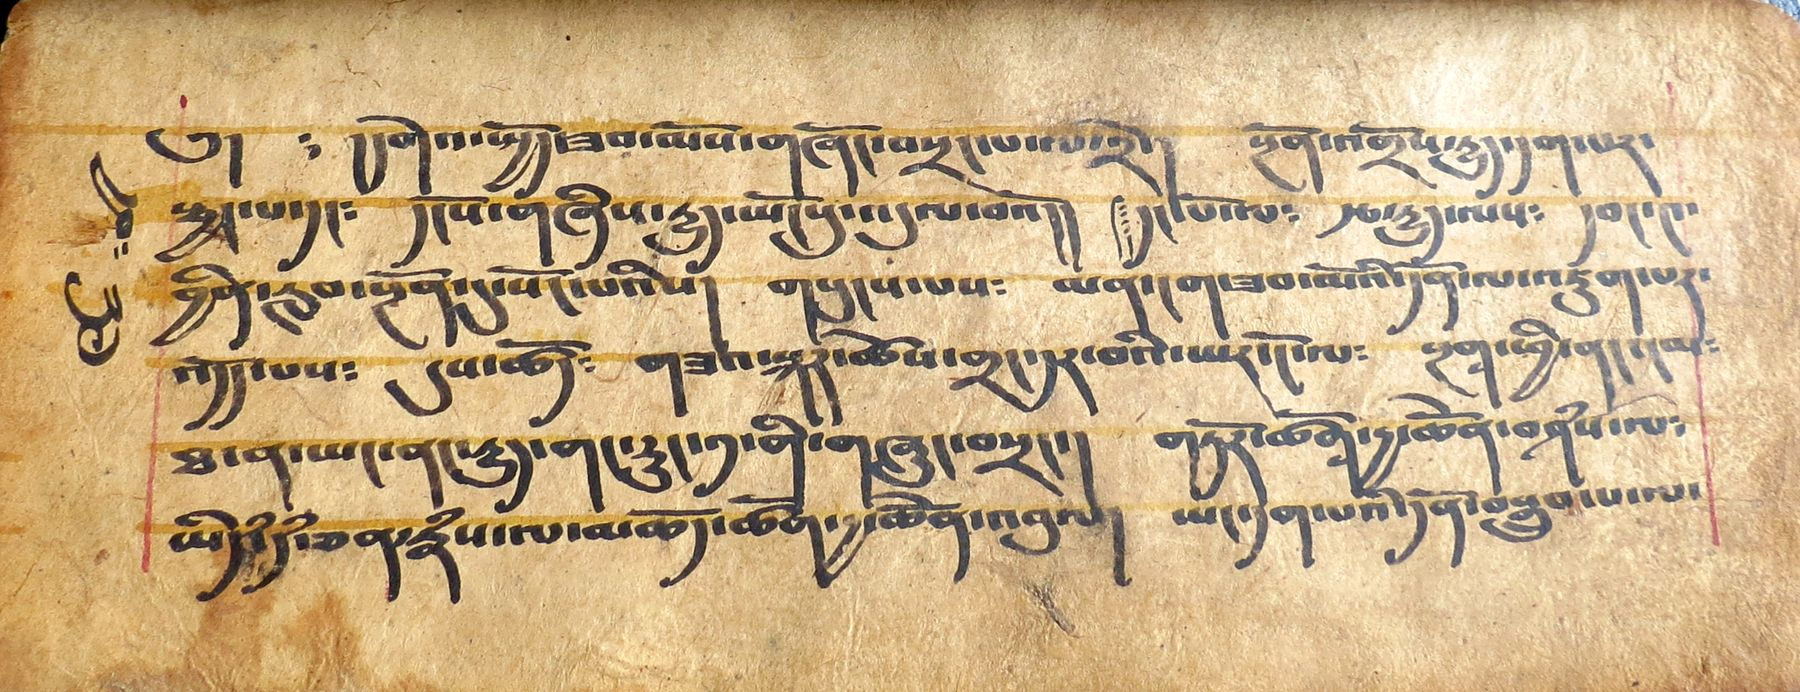དགེའི་སྤྱོད་ཟབ་མོས་གཞུང་བསྲང་བ་ལ་གཉིས་ཏེ། སྔོན་འགྲོས་རྒྱུད་དག་པར་
སྦྱང་བ་དང་། དངོས་གཞིས་རྒྱུད་ཡོངས་སུ་གདུལ་བའོ། དང་པོ་༼སྔོན་འགྲོས་རྒྱུད་དག་པར་སྦྱངས་བ་༽ལ། རྩ་རྒྱུད་ལས། དབང་བཞི་
བྱིན་རླབས་སྔོན་དུ་སོང་བ་ཡི། གསུངས་པས། མན་ངག་ཟབ་མོའི་དོན་ལ་འཇུག་པར་
འདོད་པས། དུས་ཚོད་ཚེས་གྲངས་གཟའ་སྐར་དར་བའི་ཡར་ངོ་ལ། སྔགས་ཕྱི་ནང་ངམ། 
ཐ་ན་ཡང་ནང་རྒྱུད་གང་རུང་ཞིག་གི་གཞུང་བསྲང་ལ། གཏོར་ཚོགས་རྒྱ་ཆེན་པོར་བཤམས་ལ། 
ཡི་དམ་ཞི་ཁྲོ་དམ་ཅན་སྲུང་མ་རྣམས་ལ་ཕུལ་ལ། ཡང་དག་པའི་དོན་སྒྲུབ་པ་ལ་